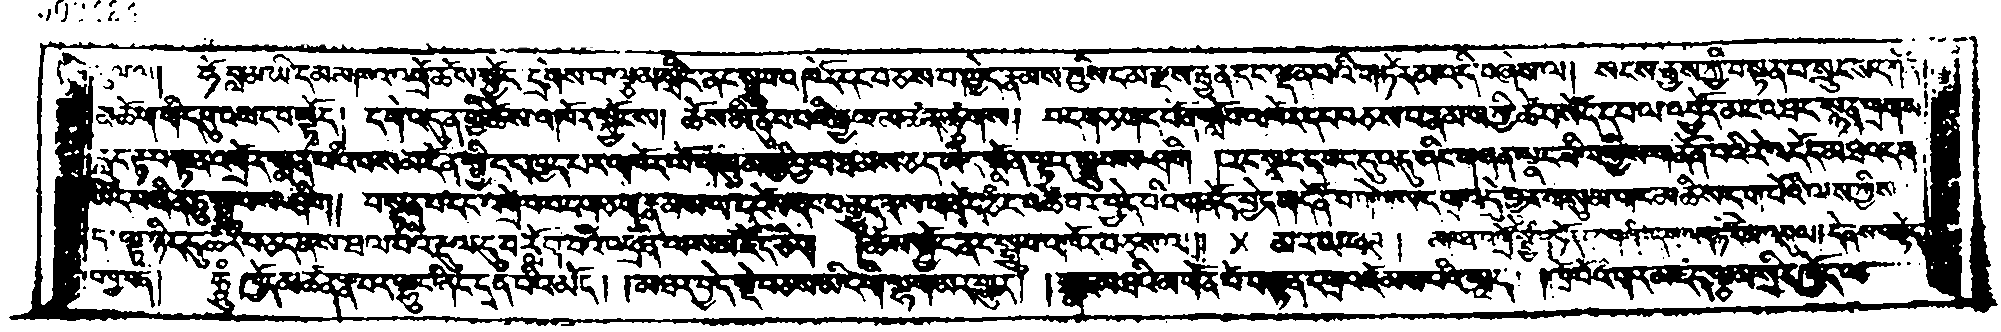ཕུལ་ལ། ཧོ་བླ་མ་ཡི་དམ་མཁའ་འགྲོ་ཆོས་སྐྱོང་དྲེགས་པ་ལྕམ་སྲིང་ནང་སྒྲུབ་འཁོར་དང་བཅས་པ་ཁྱེད་རྣམས་ཀྱིས་དམ་རྫས་རྒྱན་དང་ལྡན་པའི་གཏོར་མ་འདི་བཞེས་ལ། སངས་རྒྱས་ཀྱི་བསྟན་པ་སྲུངས་དཀོན་
མཆོག་གི་དབུ་འཕང་བསྟོང་། དགེ་འདུན་གྱི་ཆོས་འཁོར་སྐྱོངས། ཆོས་མི་ནུབ་པའི་རྒྱལ་མཚན་ཚུགས། བདག་ཅག་དཔོན་སློབ་འཁོར་དང་བཅས་པ་རྣམས་ཀྱི་ཚེ་བསོད་དཔལ་འབྱོར་མངའ་ཐང་སྙན་གྲགས་
རླུང་རྟ་བསྟན་འགྲོར་སྨན་པའི་བསམ་དོན་སྤྱི་དང་ཁྱད་པར་འཁོར་ལོ་གསུམ་གྱི་བྱ་བ་ཐམས་ཅད་ཡིད་སྨོན་ལྟར་སྒྲུབས་ཤིག །རང་སྣང་དབང་དུ་འདུ་ཞིང་གཞན་སྣང་ཟིལ་གྱིས་གནོན་པའི་རེ་འདོད་མཐའ་དག་
ཡིད་བཞིན་ཏུ་སྒྲུབས་ཤིག །བསྟན་པ་དང་འགྲོ་བ་བདག་ཅག་རྣམས་ལ་དངོས་དང་བརྒྱུད་ནས་གནོད་ཅིང་འཚེ་བར་བྱེད་པའི་གནོད་བྱེད་གདོན་བགེགས་དགྲ་འདྲེ་བྱུར་གསུམ་གང་མཆིས་དྲག་པོའི་ལས་ཀྱིས་
ད་ལྟ་ཉིད་དུ་ཚར་བཅད་ནས་ཐལ་བའི་རྡུལ་དུ་བརློག་པའི་འཕྲིན་ལས་མཛོད་ཅིག །ཆོས་སྐྱོང་ནང་སྒྲུབ་འཁོར་བཅས་ལ།། ྾་མ་ར་ཡ་ཕཊ། མཁན་འགྲོ་སྤྱི་གཏོར་དང་གཞི་བདག་ལ་གཏོར་མ་འབུལ། དེ་ནས་བསྟོད་
པ་བྱ་བ་ནི། ཧཱུཾ་ཁྱོད་མཚན་རྣ་བར་ལྷུང་ཞིང་དྲན་པའི་མོད། །མཐར་བྱེད་སྡེ་བཅས་མིང་གི་ལྷག་མར་གྱུར། །སྣང་མཐའི་མགོན་པོ་བསྟན་དགྲ་འཇོམས་པའི་སླད། །ཁྲོ་བོའི་གར་མཛད་ལྕམ་སྲིང་ཁྱོད་ལ་